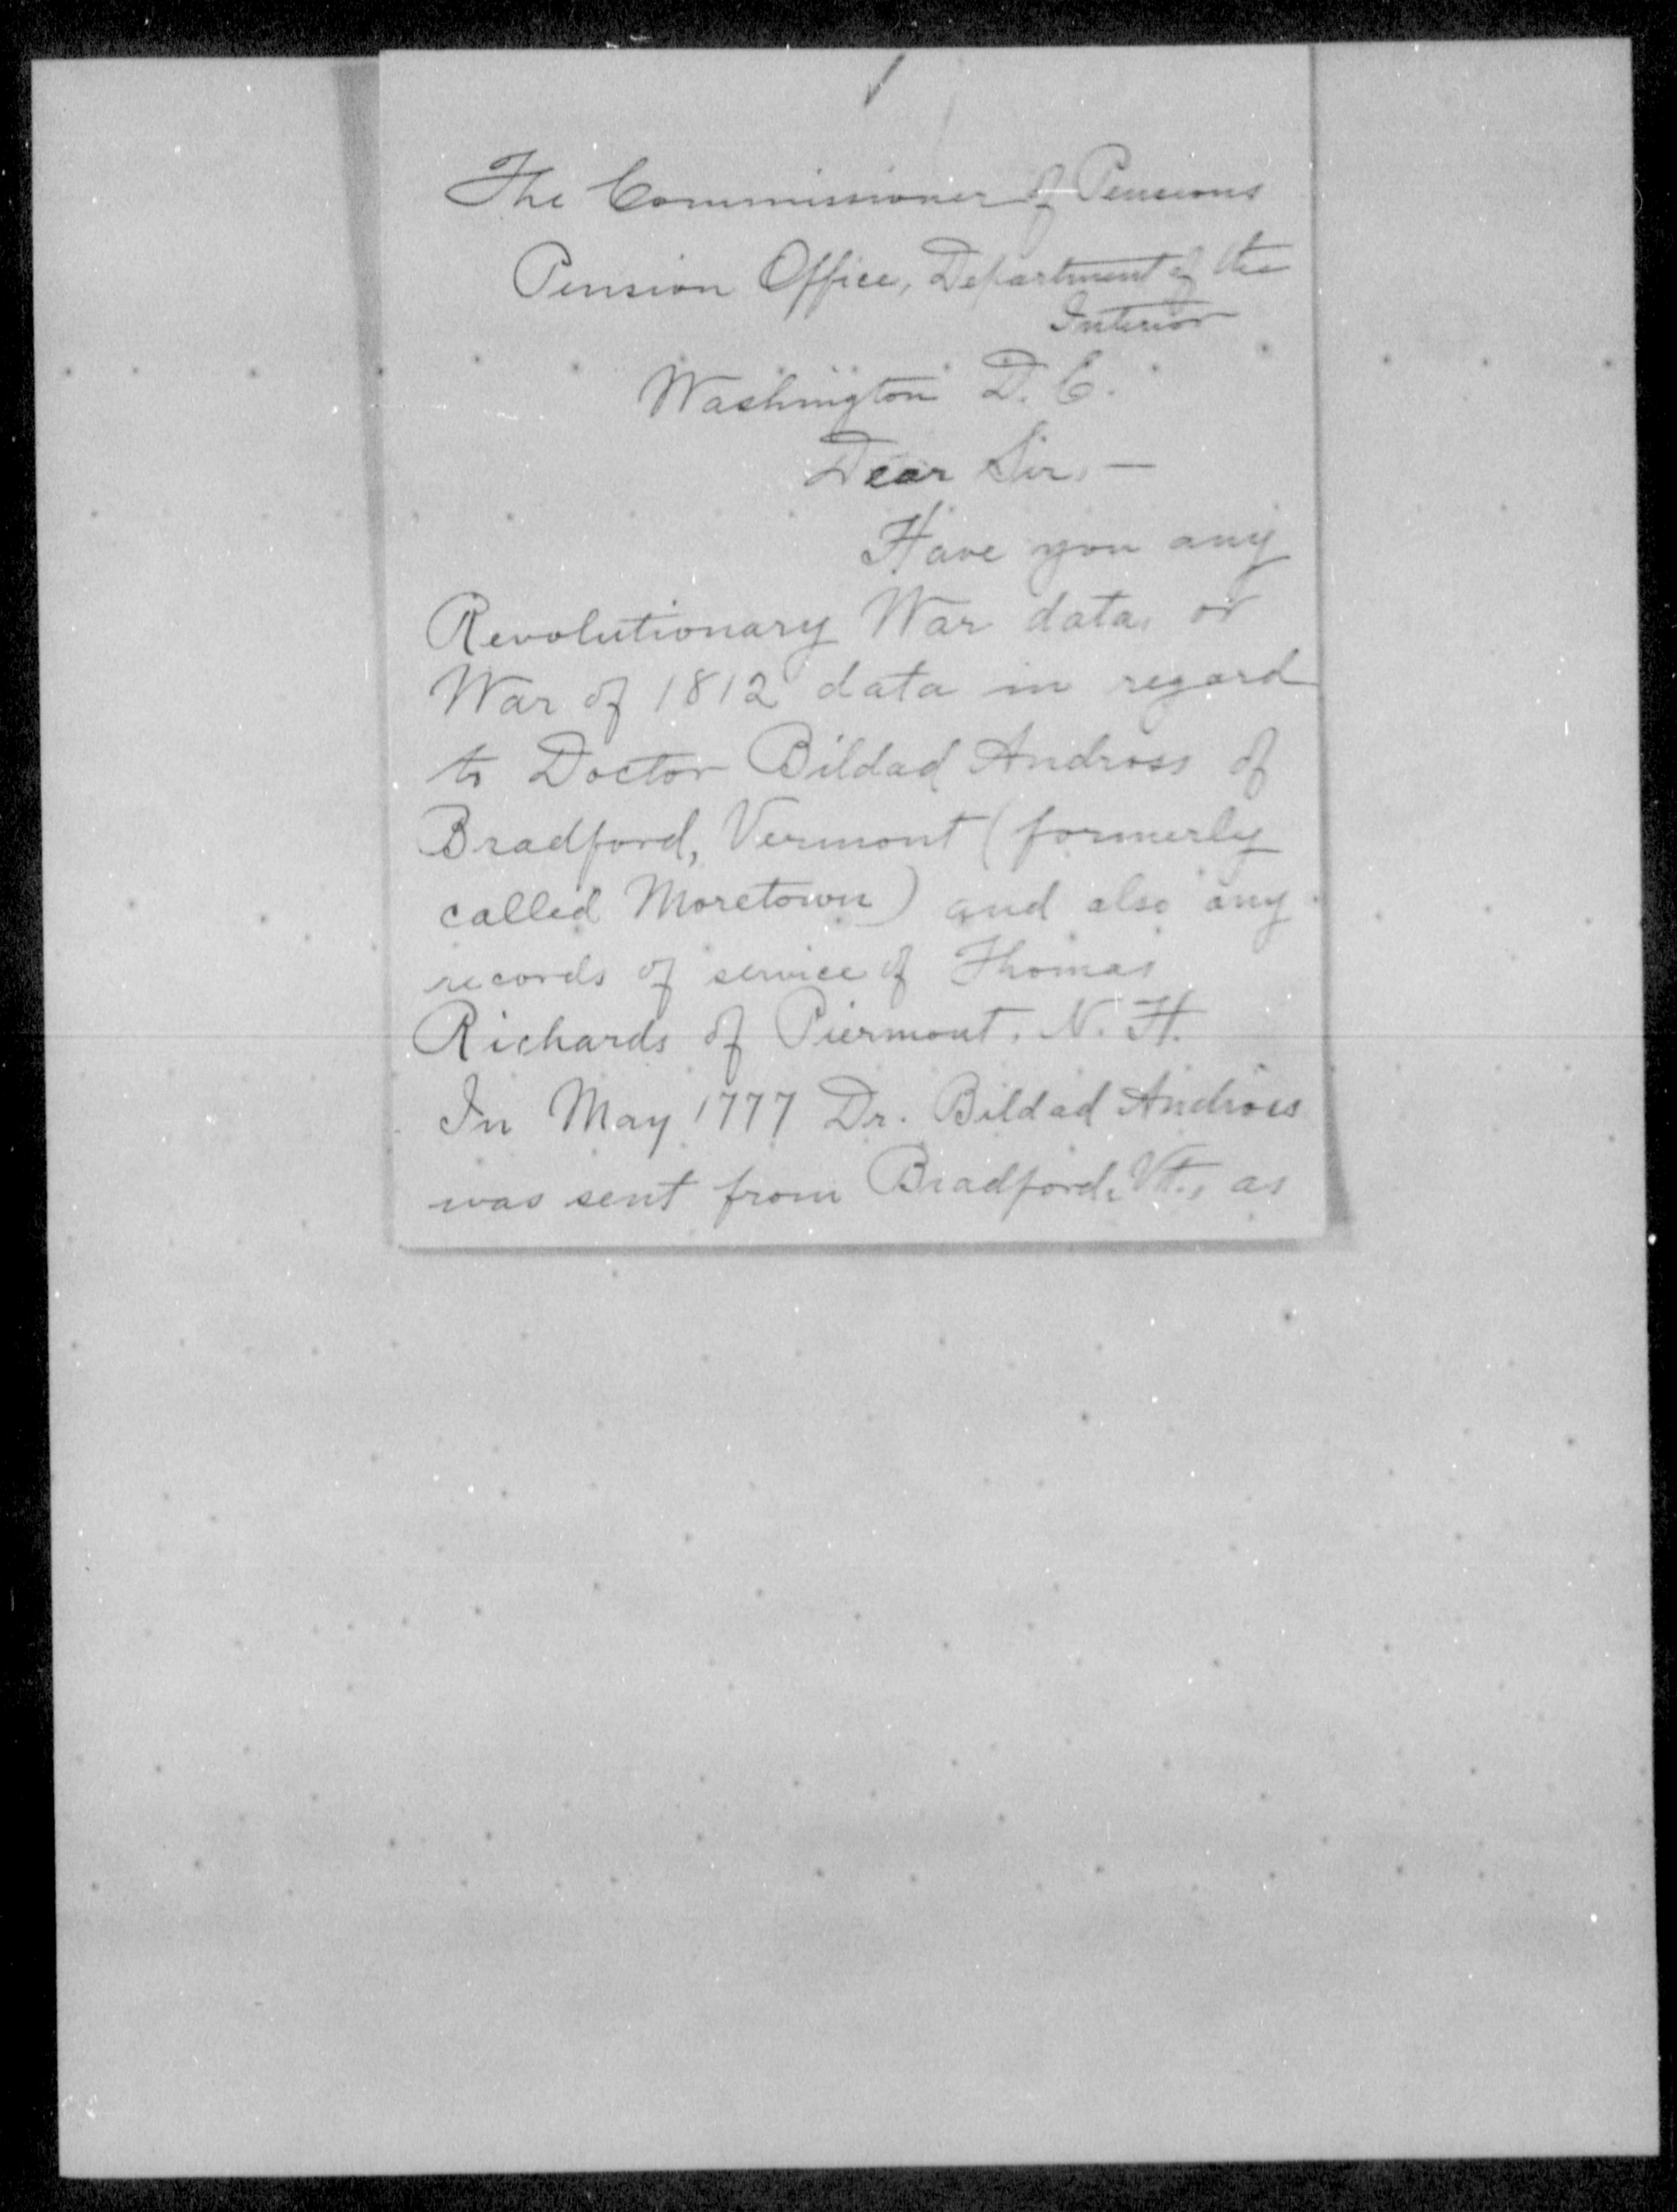The Commissioner of Pensions
Pension Office, Department of the
Interior
Washington D.C.
Dear Sir,
Have you any Revolutionary War data or War of 1812 data in regard to Doctor Bildad Andross of
Bradford, Vermont (formerly called Moretown) and also any records of service of Thomas
Richards of Piermont N. H.
In May 1777 Dr. Bildad Andross was sent from Bradford Vt, as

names: Bildad Andross; Bildad Andross; Thomas Richards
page: 97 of 109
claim: widow's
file: W. 5709, for Thomas Richards, New Hampshire